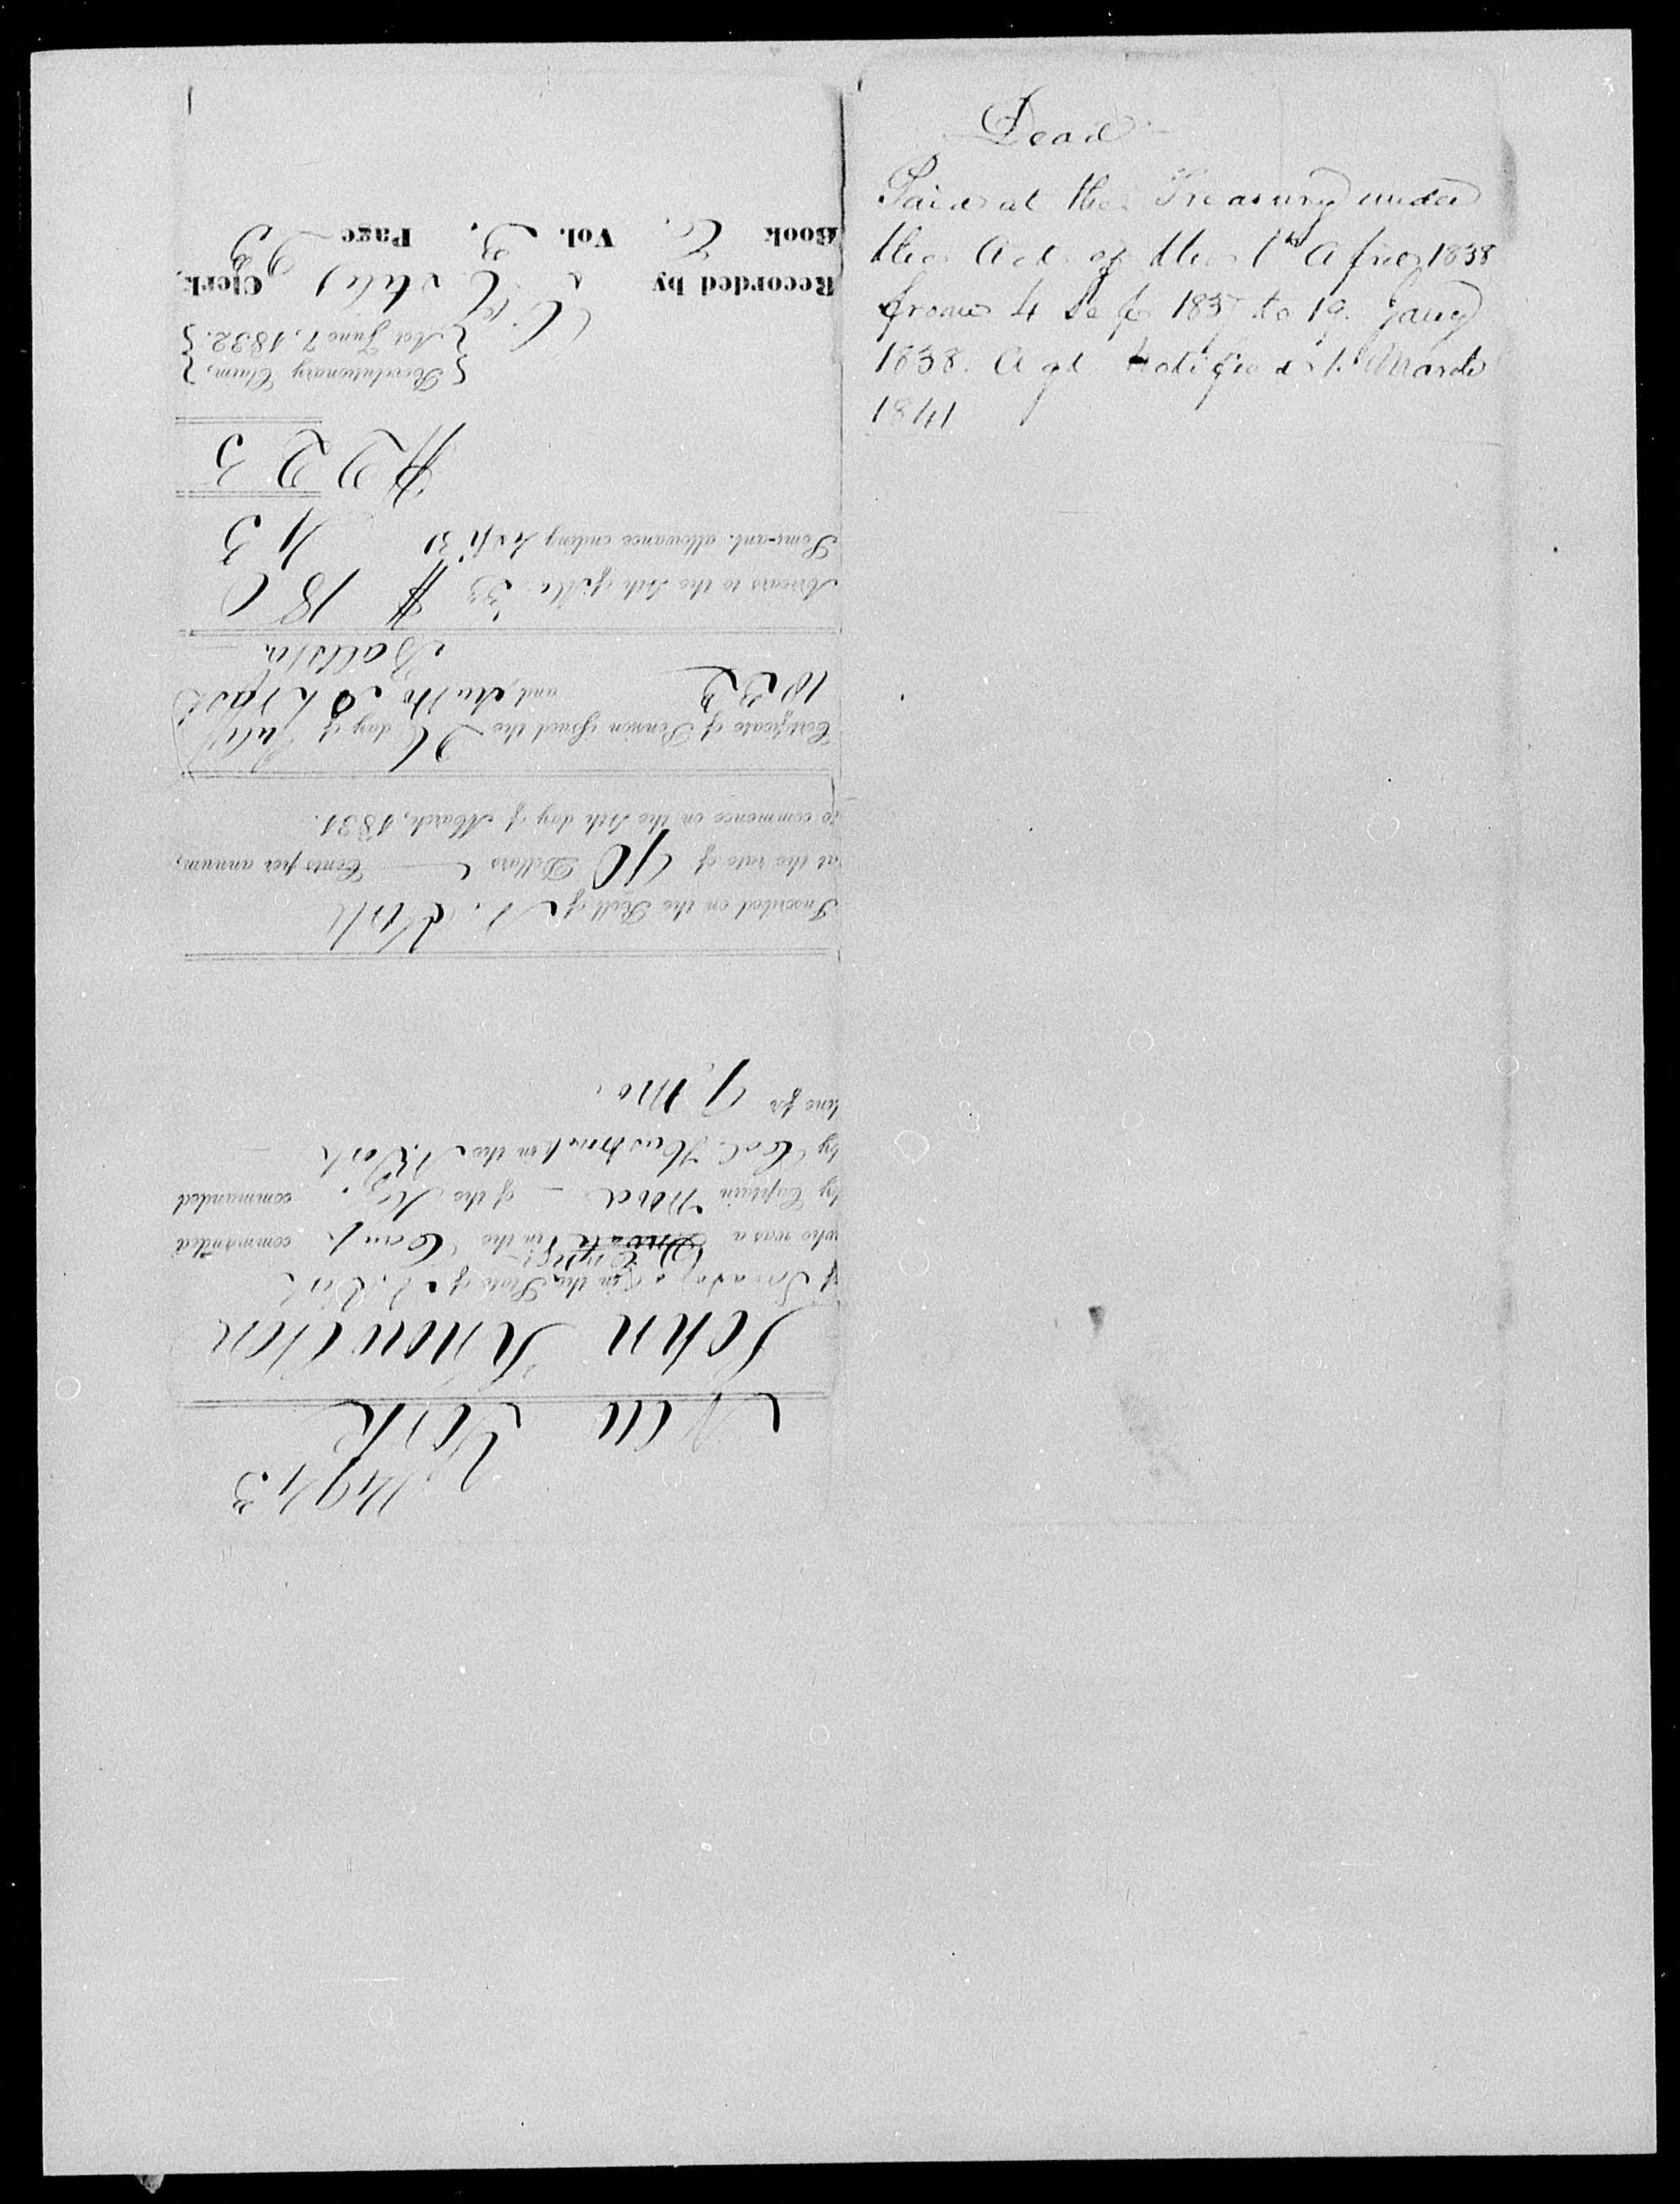Dead
Paid at the Treasury under the Act of [ilegible]1838 from 4 Sep 1837[?] to 10 Jany 1838. Agt [illegible] 1841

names: John Knowlton; A Nash; [BLANK] Wood; [BLANK] Huswick; Geo C Stiles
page: 2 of 25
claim: survivor's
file: S. 13668, for John Knowlton, New York